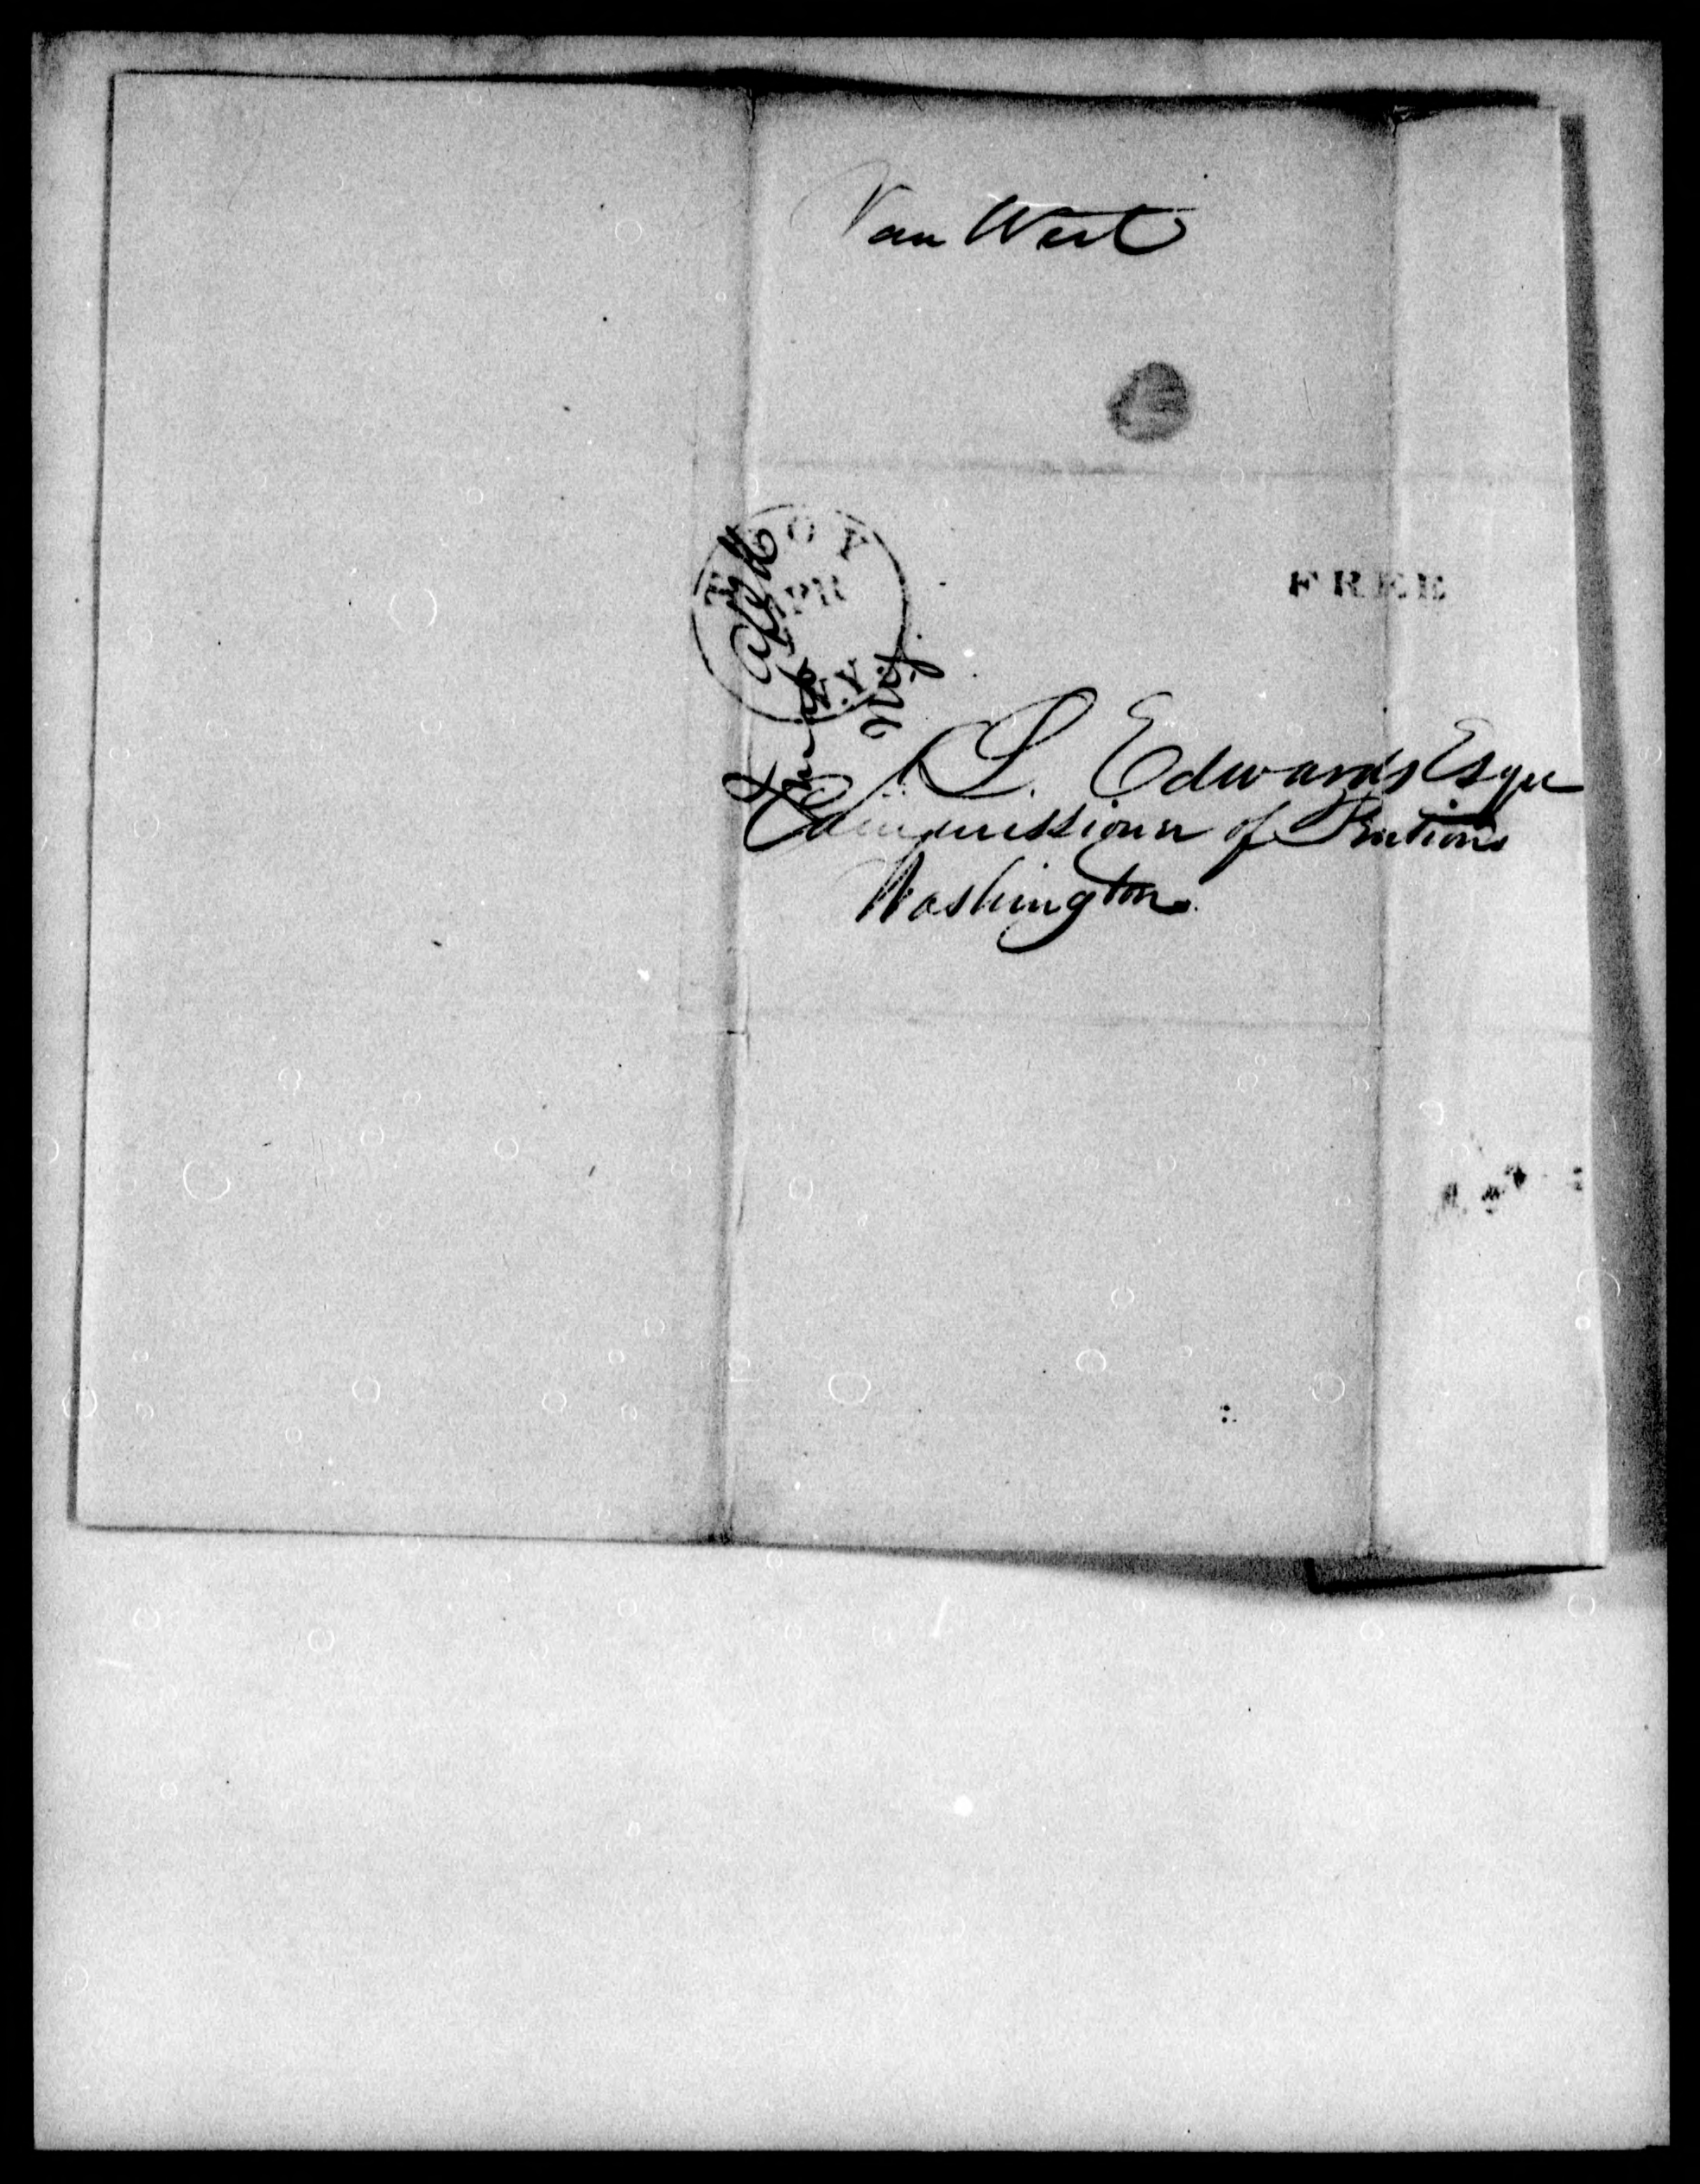Van Wart

FREE

[postmarked Troy NY Apr]
Apr 16
[illegible] NY

J. L. Edwards Esq
Commissioner of Pensions
Washington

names: J L Edwards, Van Wert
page: 50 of 102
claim: widow's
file: W. 18239, Isaac Van Wart, New York